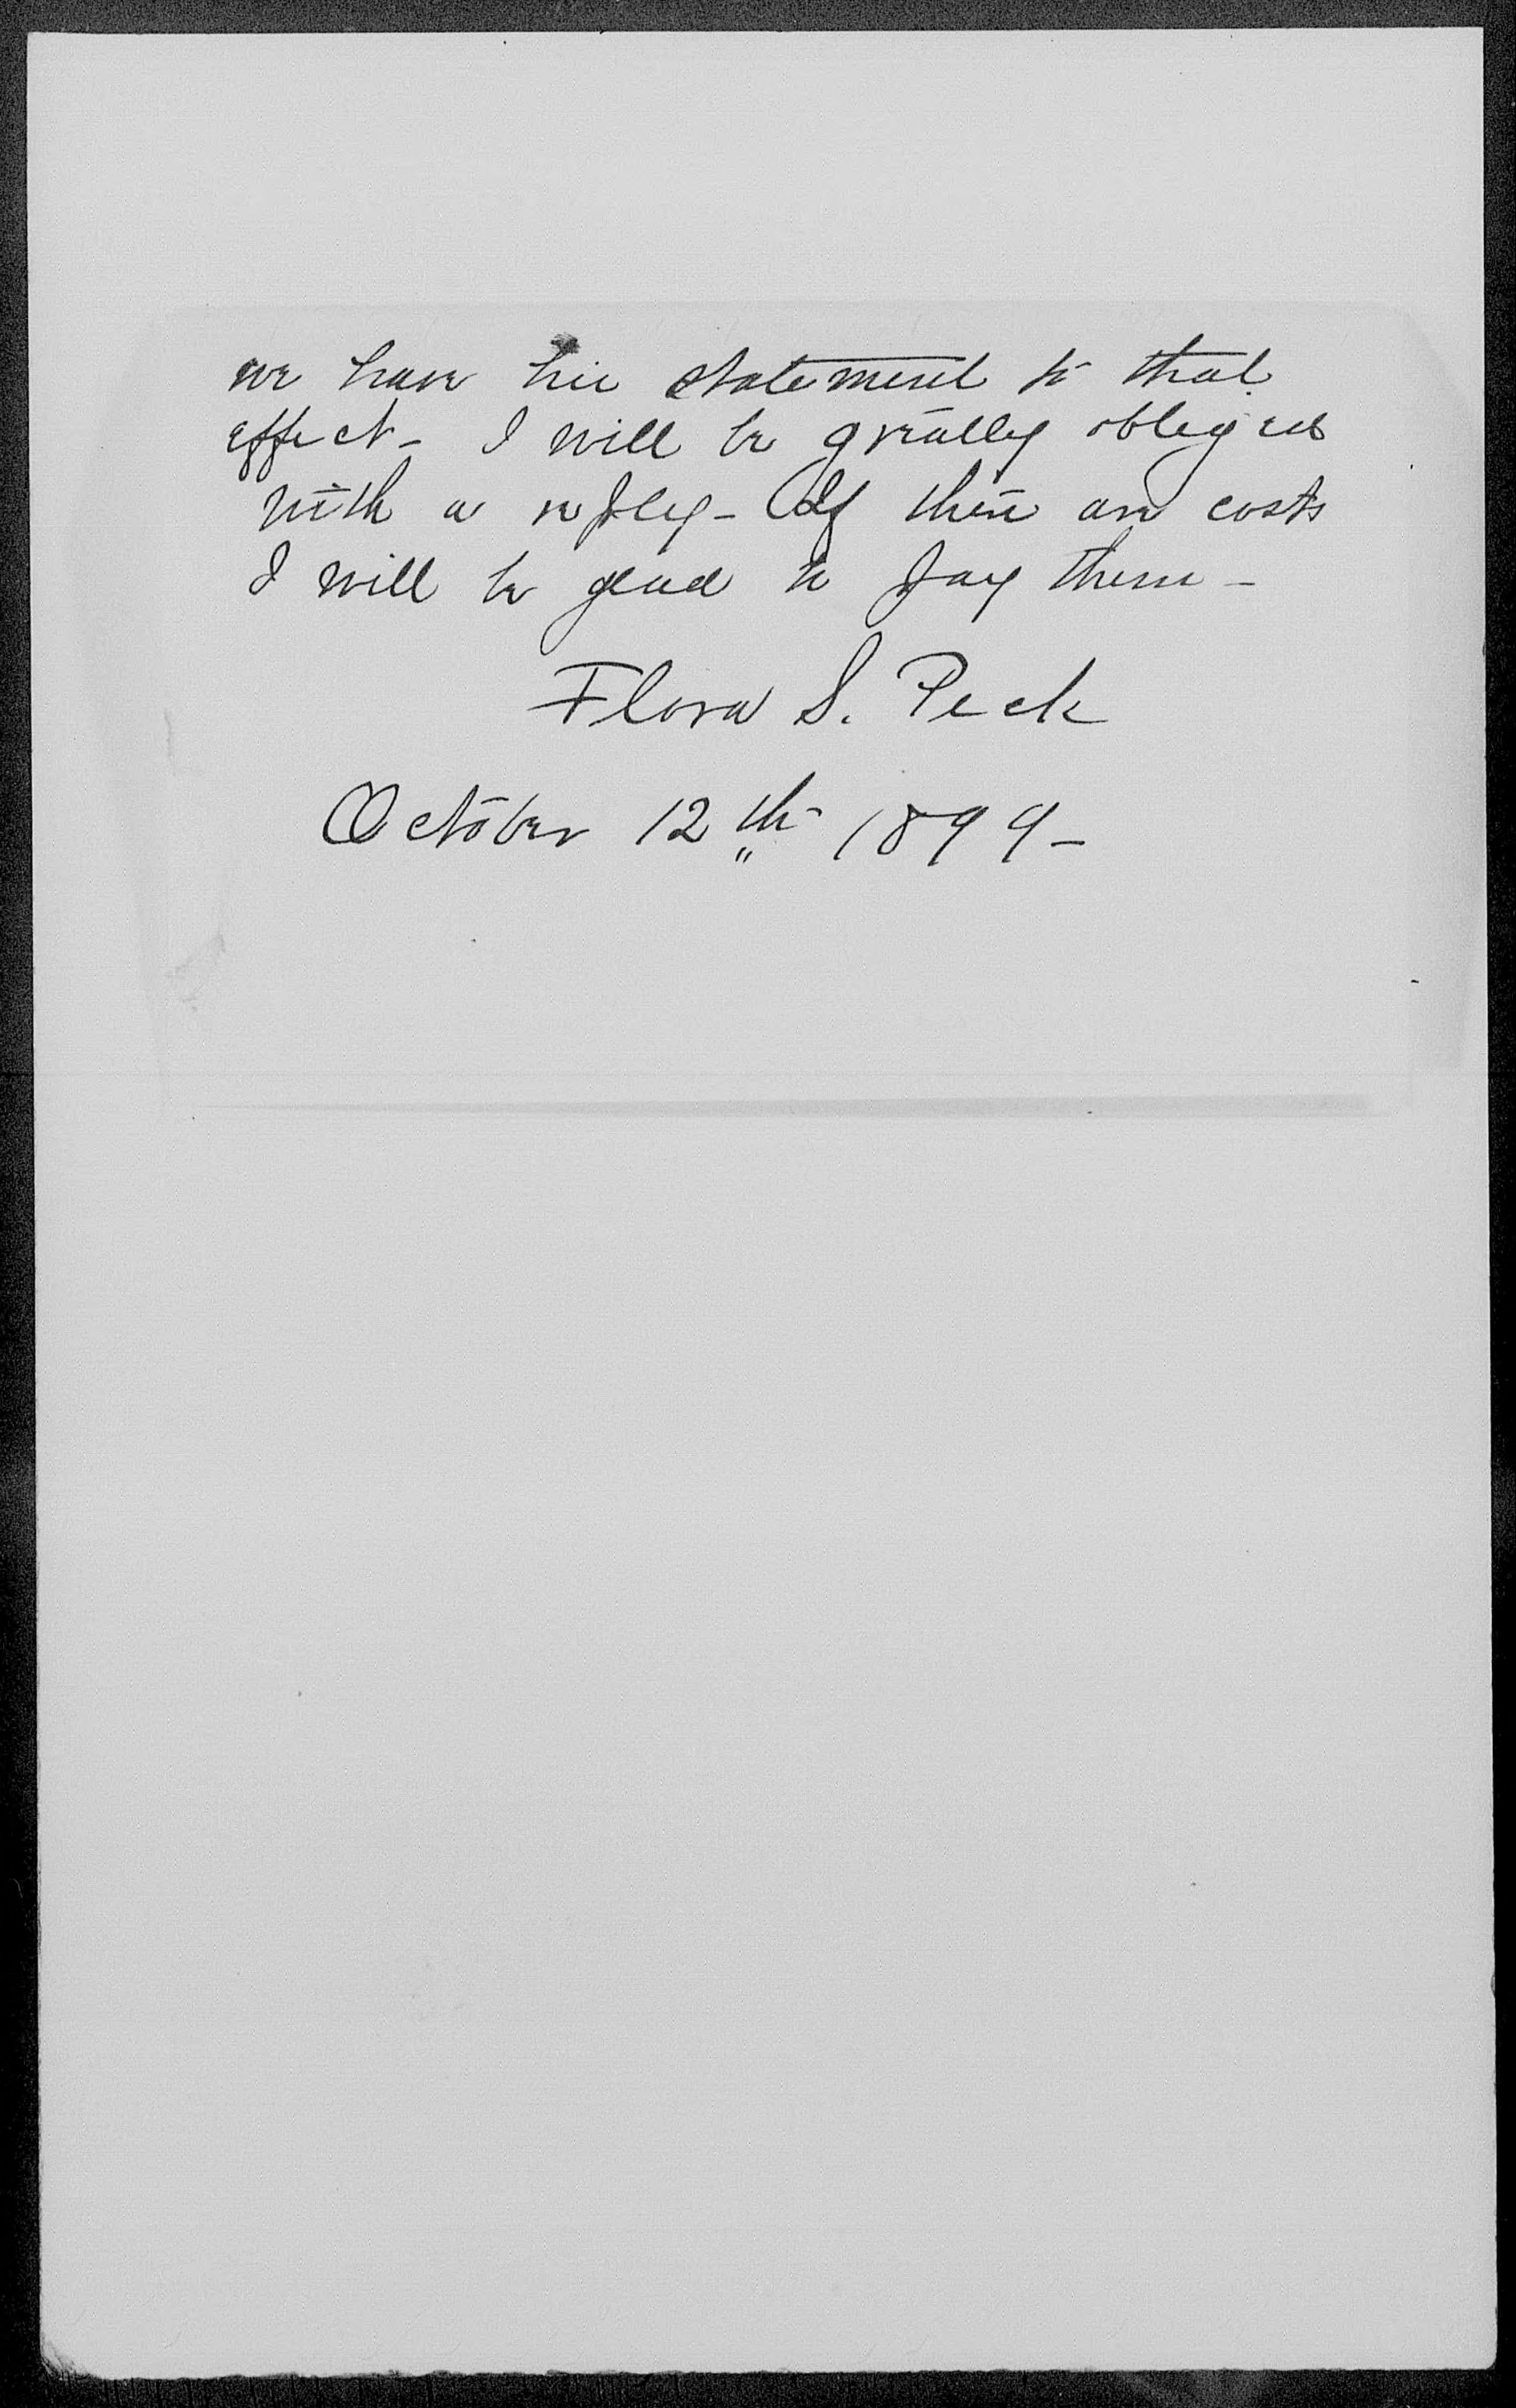as have his statement to that effect. I will be greatly obliged with a relief. If there ny costs I will be glad to pay them.
Flora S. Peck

October 12th 1899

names: Flora S Peck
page: 73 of 83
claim: widow's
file: W. 10,384, Oliver Barrett, Continental (Vt.) N.Y.